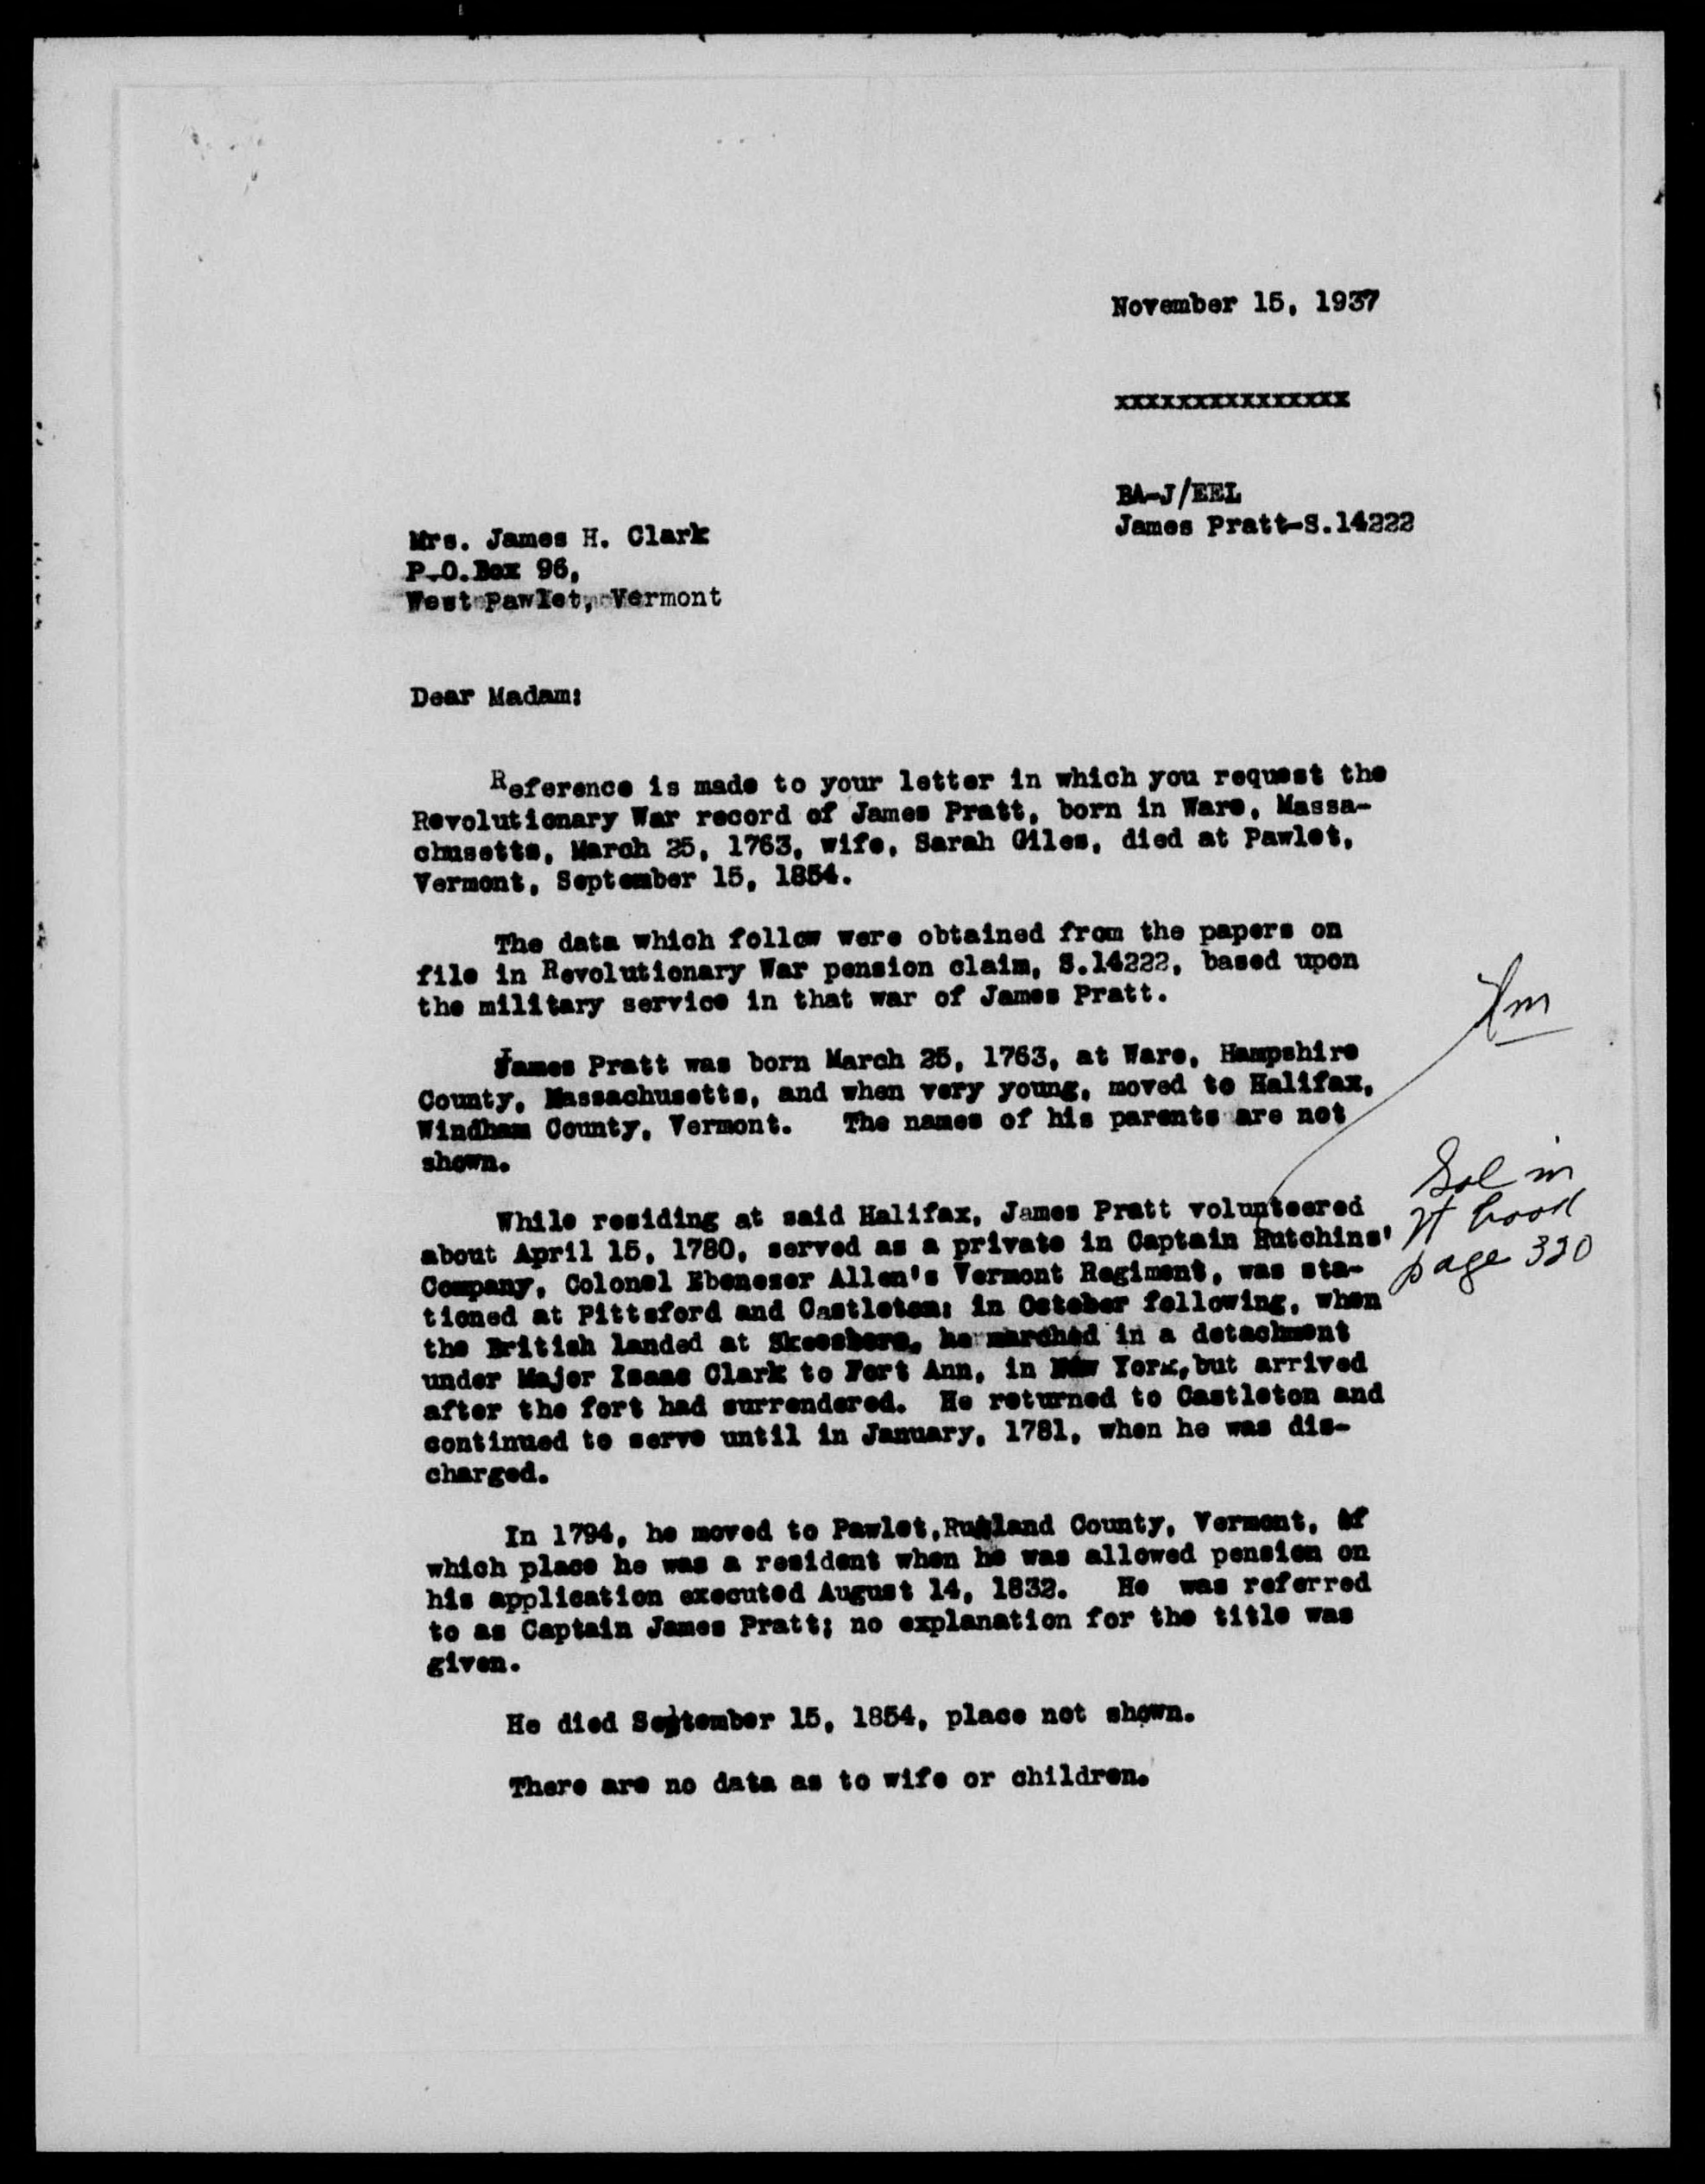November 15, 1937
XXXXXXXXXXXXXXX
BA-J/EEL
James Pratt - S. 14222
Mrs. James H. Clark
P.O. Box 96,
West Pawlet, Vermont
Dear Madam:
Reference is made to your letter in which you request the Revolutionary War record of James Pratt, born in Ware, Massachusetts, March 25, 1763, wife, Sarah Giles, died at Pawlet, Vermont, September 15, 1854.
The data which follow were obtained from the papers on file in Revolutionary War pension claim, S.14222, based upon the military service in that war of James Pratt.
James Pratt was born March 25, 1763, at Ware, Hampshire County, Massachusetts, and when very young, moved to Halifax, Windham County, Vermont. The names of his parents are not shown.
While residing at said Halifax, James Pratt volunteered
about April 15, 1780, served as a private in Captain [ ] Hutchins'
Company, Colonel Ebenezer Allen's Vermont Regiment, was stationed
at Pittsford and Castleton in October following, when
the British landed at Skeesborn, he marched in a detachment
under Major Isaac Clark to Fort Ann, in New York, but arrived
after the fort had surrendered. He returned to Castleton and
continued to serve until in January, 1781, when he was discharged.

In 1794, he moved to Pawlet, Rutland County, Vermont, of
which place he was a resident when he was allowed pension on
his application executed August 14, 1832. He was referred to as
Captain James Pratt; no explanation for the title was
given.
He died September 15, 1854, place not shown.
There are no data as to wife or children.

[Handwritten] 
Sol in Vt book page 320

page: 12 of 29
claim: survivor's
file: S. 14,222, for James Pratt, Vermont